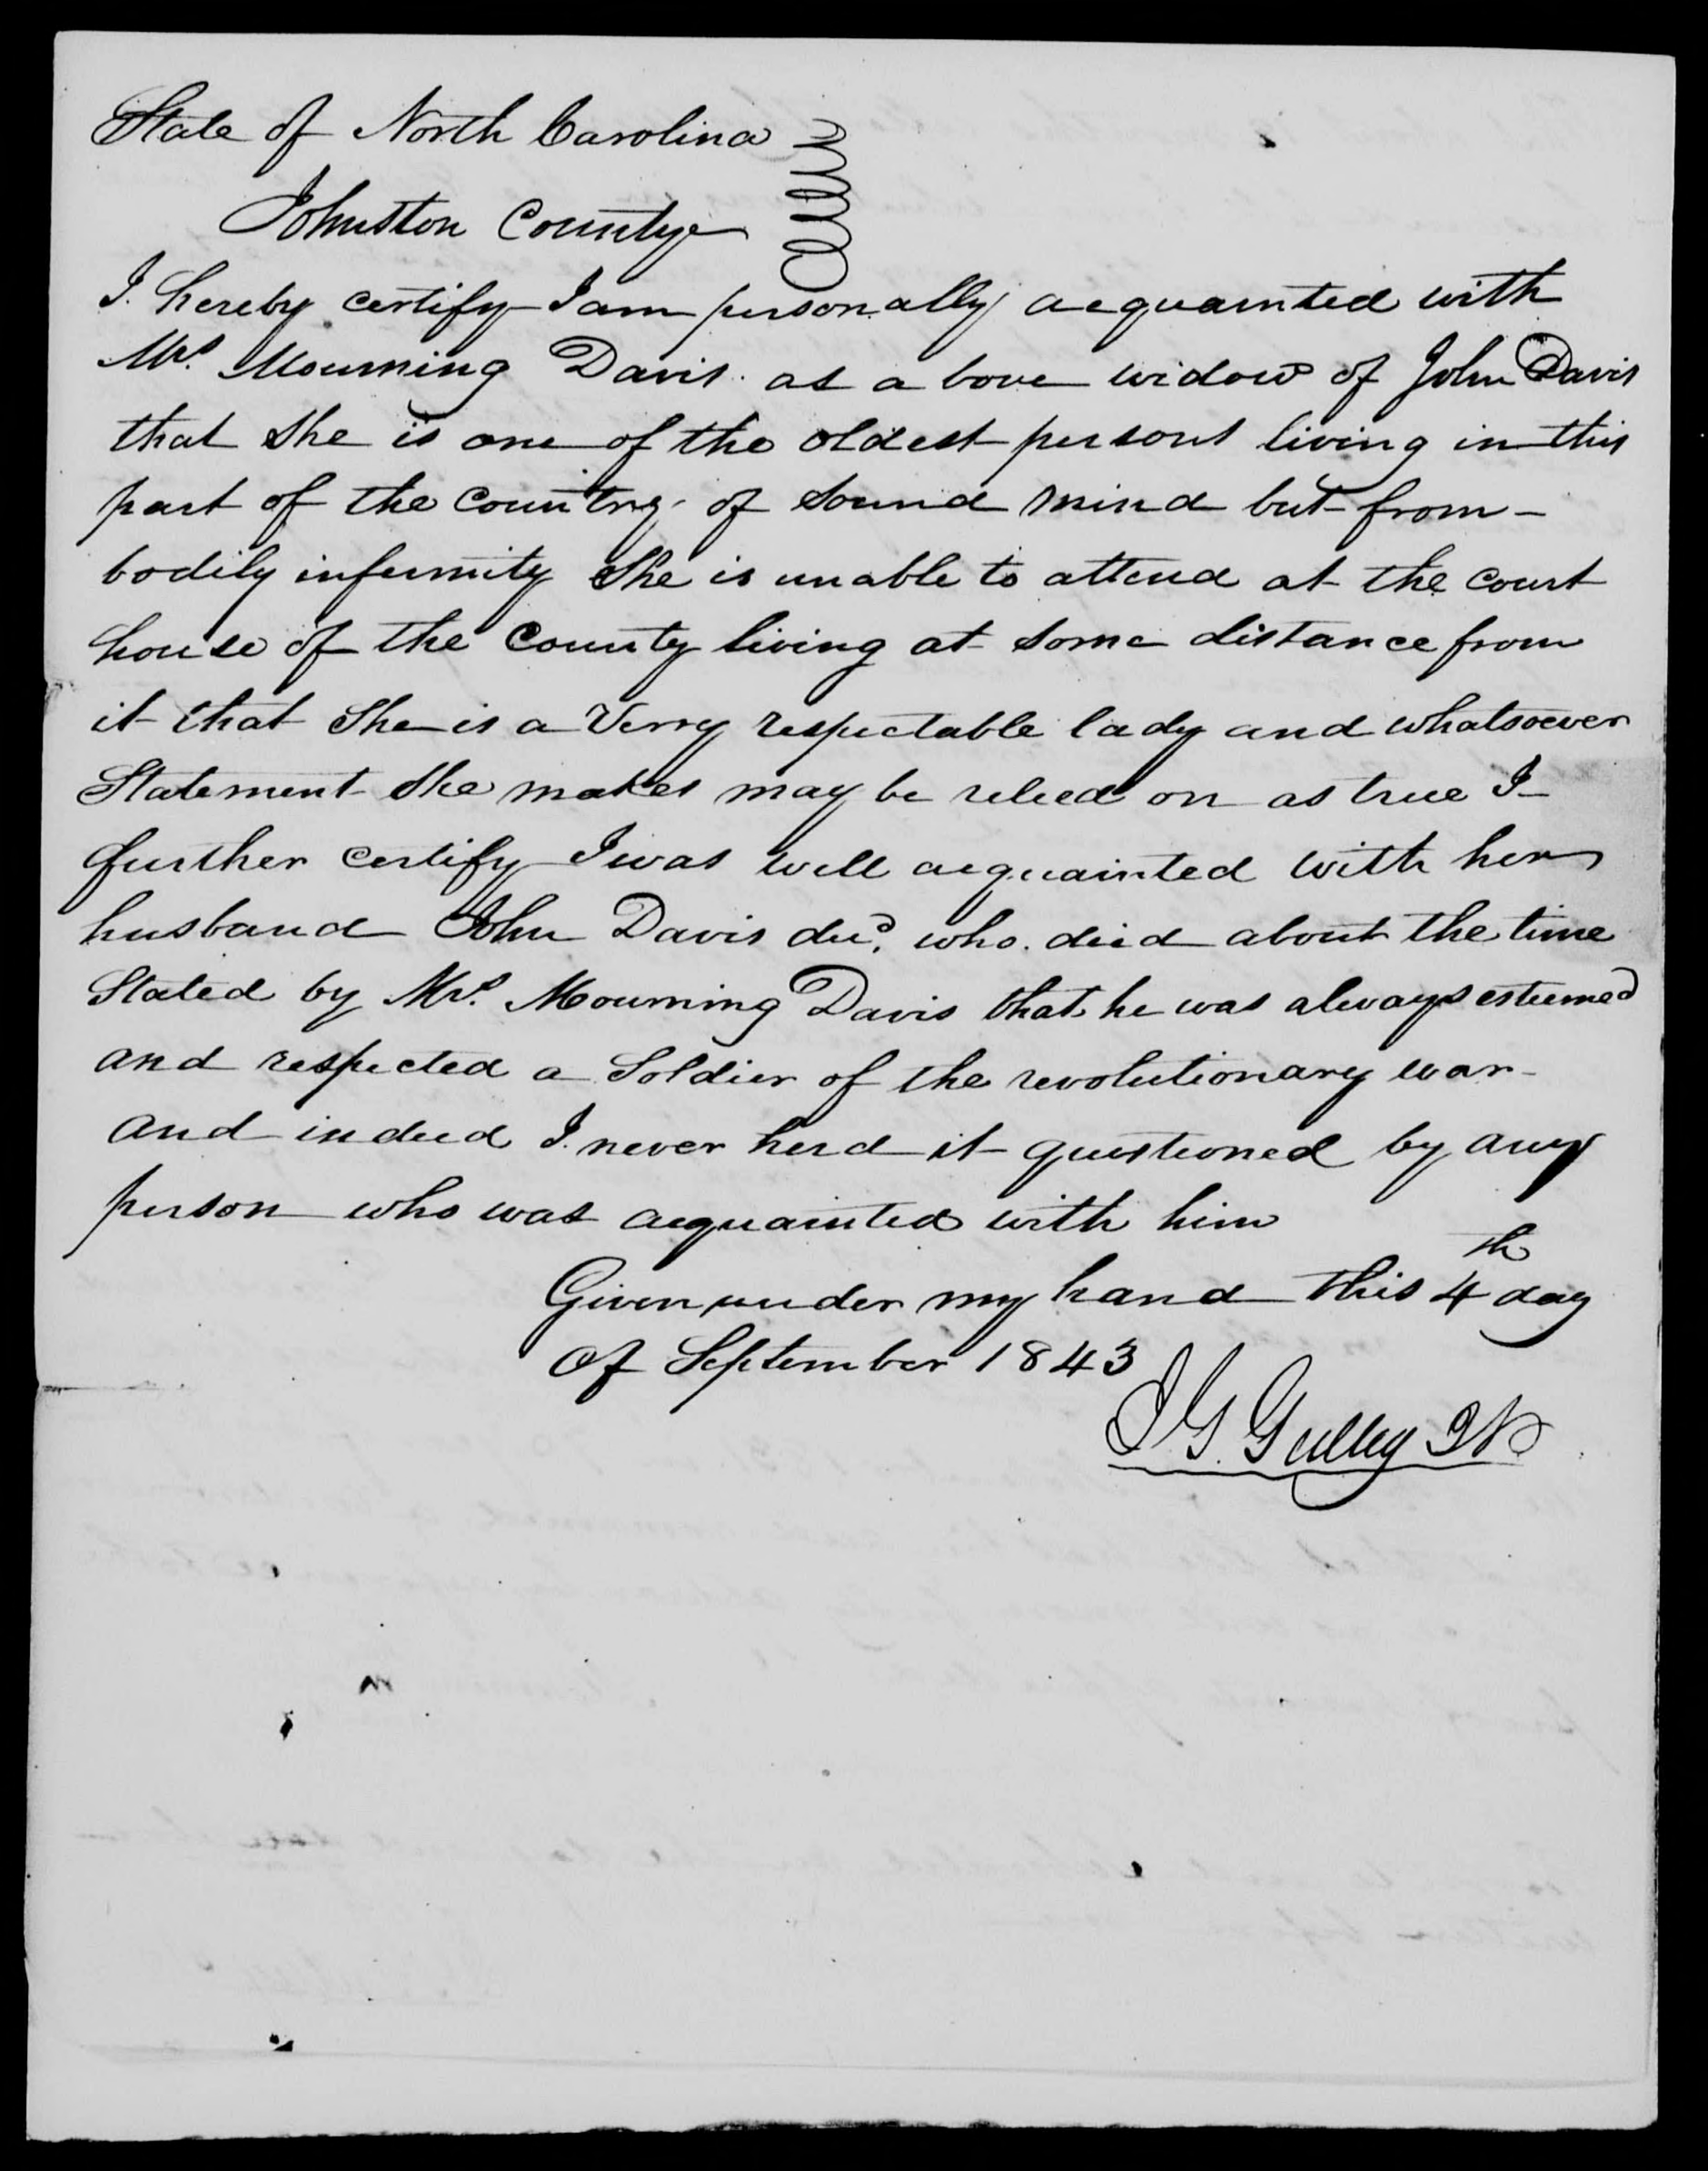State of North Carolina
Johnston County
I hereby certify I am personally acquainted with
Mrs. Mourning Davis as above widow of John Davis
that she is one of the oldest persons living in this
part of the country of sound mind but from
bodily infirmity. She is unable to attend at the court
house of the County living at some distance from
it that she is a very respectable lady and whatsoever
Statement she makes may be relied on as true I 
further certify I was well acquainted with her
husband John Davis dec'd who died about the time
stated by Mrs. Mourning Davis that, he was always esteemed
and respected a Soldier of the revolutionary war
And indeed I never heard it questioned by any
person who was acquainted with him.
          Given under my hand this 4th day
of September 1843.

J.G. Gulley J.P.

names: John Davis, Mourning Davis, Mourning Davis, John Davis, J G Gulley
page: 6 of 29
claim: widow's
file: W. 19156, John Davis, N.C.